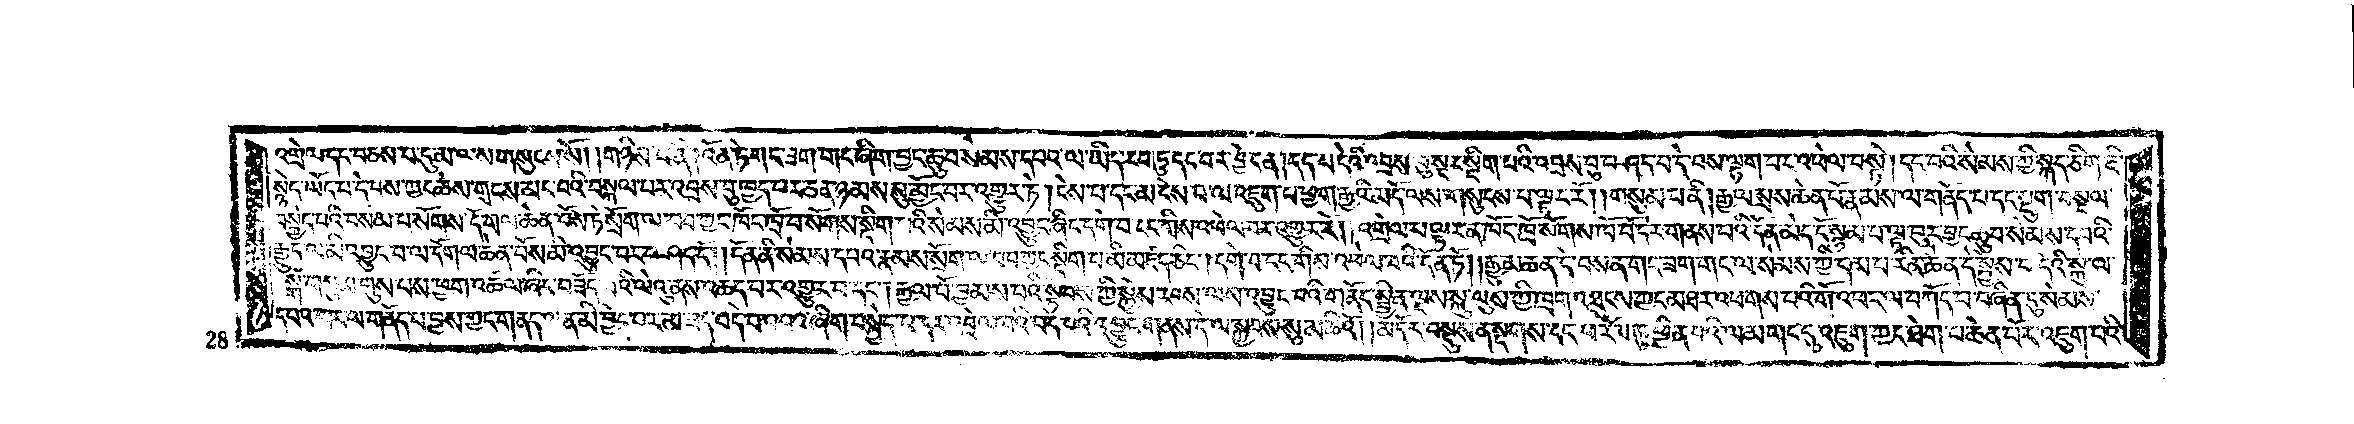འགྲེལ་དང་བཅས་པ་དུ་མ་ལས་གསུངས་སོ། །གཉིས་པ་ནི། འོན་ཏེ་གང་ཟག་གང་གཞིག་བྱང་ཆུབ་སེམས་དཔའ་ལ་ཡིད་རབ་ཏུ་དང་བར་བྱེད་ན། དད་པ་དེའི་འབྲས་བུ་སྔར་སྡིག་པའི་འབྲས་བུ་བཤད་པ་དེ་བས་ལྟག་པར་འཕེལ་པ་སྟེ། དང་པའི་སེམས་ཀྱི་སྐད་ཅིག་ཇི་
སྙེད་ཡོད་པ་དེ་བས་ཀྱང་ཆོས་གྲོངས་མང་བའི་བསྐལ་བར་འབྲས་བུ་ཁྱད་པར་ཅན་ཉམས་སུ་མྱོང་བར་འགྱུར་ཏེ། ངེས་པ་དང་མ་ངེས་པ་ལ་འཇུག་པ་ཕྱག་རྒྱའི་མདོ་ལས་གསུངས་པ་ལྟར་རོ། །གསུམ་པ་ནི། རྒྱལ་སྲས་ཆེན་པོ་རྣམས་ལ་གནོད་པ་དང་སྡུག་བསྔལ་
བསྐྱེད་པའི་བསམ་པ་སོགས་དོ་གལ་ཆེན་པོས་ཏེ་སྲོག་ལ་བབ་ཀྱང་ཁོང་ཁྲོ་བ་སོགས་སྡིག་པའི་སེམས་མི་འབྱུང་ཞིང་དགེ་བ་ངང་གིས་འཕེལ་བར་འགྱུར་རོ། །འགྲེལ་པ་ལྟར་ན་ཁོང་ཁྲོ་སོགས་ཁྲོ་བོ་དེར་གནས་པའི་དོན་མེད་དོ་སྙམ་པ་ལྟ་བུར་བྱང་ཆུབ་སེམས་དཔའི་
རྒྱུད་ལ་མི་འབྱུང་བ་ལ་དོག་ལ་ཆེན་པོས་མི་འབྱུང་བར་བཤད་དོ། །དོན་ནི་སེམས་དཔའ་རྣམས་སྲོག་ལ་བབ་ཀྱང་སྡིག་པ་མི་མཛད་ཅིང་། དགེ་བ་ངང་གིས་འཕེལ་བའི་དོན་ཏོ། །རྒྱུ་མཚན་དེ་བས་ན་གང་ཟག་གང་ལ་སེམས་ཀྱི་དམ་པ་རིན་ཆེན་དེ་སྐྱེས་པ་དེའི་སྐུ་ལ་
སྒོ་གསུམ་གུས་པས་ཕྱག་འཚལ་ཞིང་བཟོད་པའི་ལེའུ་ནས་འཆད་པར་འགྱུར་བ་དང་། རྒྱལ་པོ་བྱམས་པའི་སྟོབས་ཀྱི་སྐྱེས་རབས་ལས་འབྱུང་བའི་གནོད་སྦྱིན་ལྔས་སྐུ་ལུས་ཀྱི་ཁྲག་འཐུངས་ཀྱང་མཐར་འཕགས་པའི་གོ་འཕང་ལ་བཀོད་པ་བཞིན་དུ་སེམས་
དཔའ་གང་ལ་གནོད་པ་བྱས་ཀྱང་གནད་ལན་མི་བྱེད་པར་མ་ཟད་བདེ་བ་འབའ་ཞིག་བསྐྱེད་པ་དང་འབྲེལ་བའི་བདེ་བའི་འབྱུང་གནས་དེ་ལ་སྐྱབས་སུ་འཆིའོ། །མདོར་བསྡུས་ན་སྔགས་དང་ཕ་རོལ་ཏུ་ཕྱིན་པའི་ལམ་གང་དུ་འཇུག་ཀྱང་ཐེག་པ་ཆེན་པོར་འཇུག་པའི་